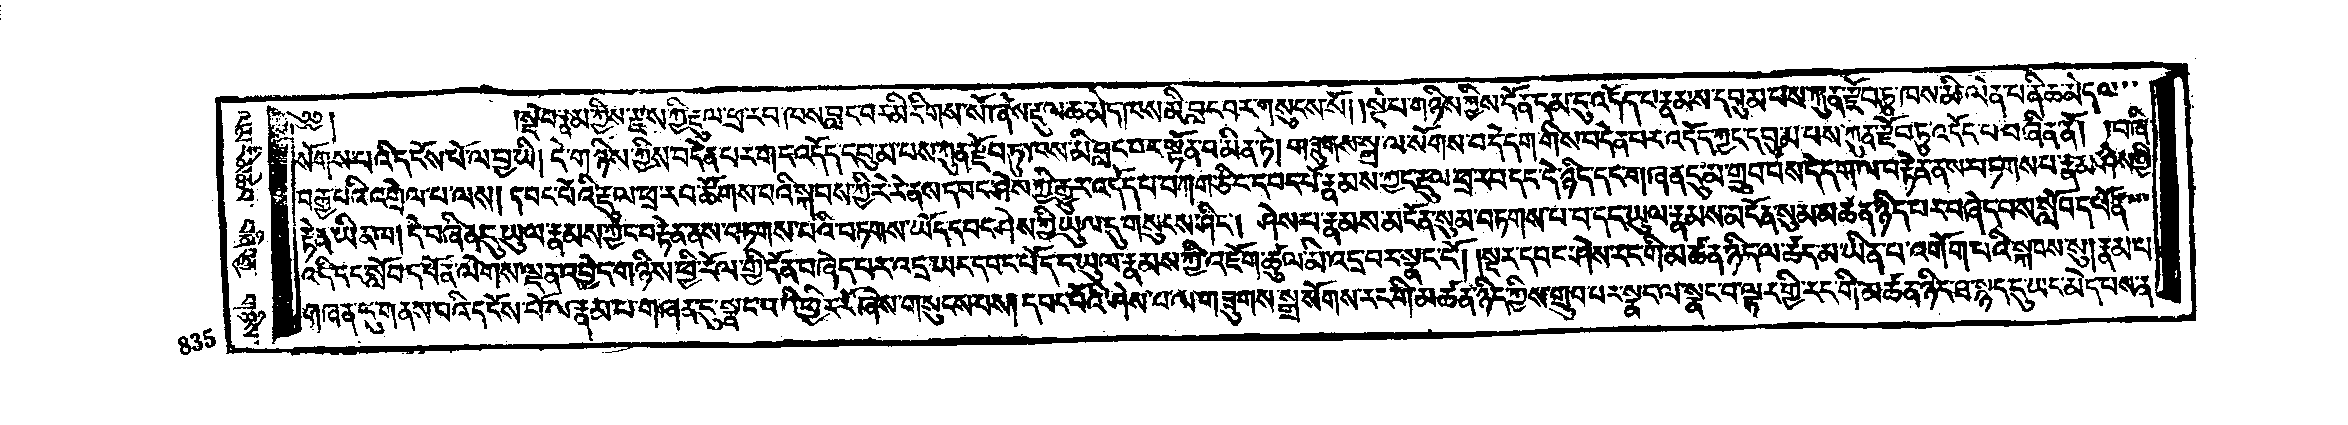༄༅། །སྡེ་པ་རྣམས་ཀྱིས་རྫས་ཀྱི་རྡུལ་ཕྲ་རབ་ཁས་བླང་བར་མི་རིགས་སོ་ཞེས་རྡུལ་ཆ་མེད་ཁས་མི་བླང་བར་གསུངས་སོ། །སྡེ་པ་གཉིས་ཀྱིས་དོན་དམ་དུ་འདོད་པ་རྣམས་དབུ་མ་པས་ཀུན་རྫོབ་ཏུ་ཁས་མི་ལེན་པ་ནི་ཆ་མེད་ལ་
སོགས་པའི་དངོས་པོ་ལ་བྱ་ཡི། དེ་གཉིས་ཀྱིས་བདེན་པར་གང་འདོད་དབུ་མ་པས་ཀུན་རྫོབ་ཏུ་ཁས་མི་བླང་བར་སྟོན་པ་མིན་ཏེ། གཟུགས་སྒྲ་ལ་སོགས་པ་དེ་དག་གིས་བདེན་པར་འདོད་ཀྱང་དབུ་མ་པས་ཀུན་རྫོབ་ཏུ་འདོད་པ་བཞིན་ནོ། །བཞི་
བརྒྱ་པའི་འགྲེལ་པ་ལས། དབང་པོའི་རྡུལ་ཕྲ་རབ་ཚོགས་པའི་སྐབས་ཀྱི་རེ་རེ་ནས་དབང་ཤེས་ཀྱི་རྒྱུར་འདོད་པ་བཀག་ཅིང་དབང་པོ་རྣམས་ཀྱང་རྡུལ་ཕྲ་རབ་དང་དེ་ཉིད་དང་གཞན་དུ་མ་གྲུབ་པས་དེ་དག་ལ་བརྟེན་ནས་བཏགས་པ་རྣམ་ཤེས་ཀྱི་
རྟེན་ཡིན་ལ། དེ་བཞིན་དུ་ཡུལ་རྣམས་ཀྱང་བརྟེན་ནས་བཏགས་པའི་བཏགས་ཡོད་དབང་ཤེས་ཀྱི་ཡུལ་དུ་གསུངས་ཤིང་། ཤེས་པ་རྣམས་མངོན་སུམ་བཏགས་པ་བ་དང་ཡུལ་རྣམས་མངོན་སུམ་མཚན་ཉིད་པར་བཞེད་པས་སློབ་དཔོན་
འདི་དང་སློབ་དཔོན་ལེགས་ལྡན་འབྱེད་གཉིས་ཕྱི་རོལ་གྱི་དོན་བཞེད་པར་འདྲ་ཡང་དབང་པོ་དང་ཡུལ་རྣམས་ཀྱི་འཇོག་ཚུལ་མི་འདྲ་བར་སྣང་ངོ། །སྔར་དབང་ཤེས་རང་གི་མཚན་ཉིད་ལ་ཚད་མ་ཡིན་པ་འགོག་པའི་སྐབས་སུ། རྣམ་པ་
གཞན་དུ་གནས་པའི་དངོས་པོ་ལ་རྣམ་པ་གཞན་དུ་སྣང་བའི་ཕྱིར་རོ་ཞེས་གསུངས་པས། དབང་པོའི་ཤེས་པ་ལ་གཟུགས་སྒྲ་སོགས་རང་གི་མཚན་ཉིད་ཀྱིས་གྲུབ་པར་སྣང་ལ་སྣང་བ་ལྟར་གྱི་རང་གི་མཚན་ཉིད་ཐ་སྙད་དུ་ཡང་མེད་པས་ན་